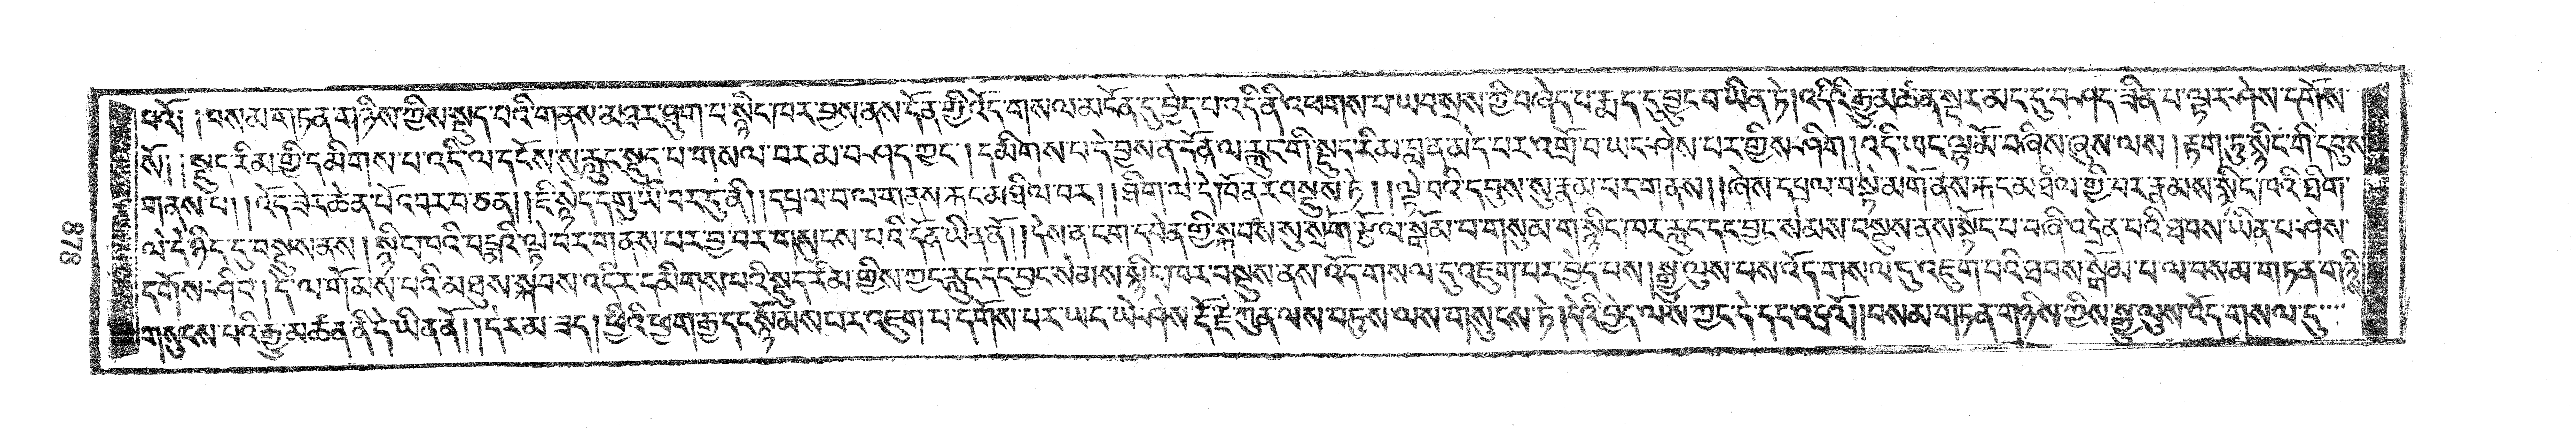པའོ༑ ༑བསམ་གཏན་གཉིས་ཀྱིས་སྡུད་པའི་གནས་མཐར་ཐུག་པ་སྙིང་ཁར་བྱས་ན་སྡོན་གྱི་འོད་གསལ་མངོན་དུ་བྱེད་པ་འདི་ནི་འཕགས་པ་ཡབ་སྲས་ཀྱི་ཞེད་པ་རྨད་དུ་བྱུང་བ་ཡིན་ཏེ། འདིའི་རྒྱུ་མཚན་སྔར་མང་དུ་བཤད་ཟིན་པ་ལྟར་ཤེས་དགོས་
སོ༑ ༑སྡུད་རིམ་གྱི་དམིགས་པ་འདི་ལ་དངོས་སུ་རླུང་སྡུད་པ་གསལ་བར་མ་བཤད་ཀྱང་། དམིགས་པ་དེ་བྱས་ནས་དོན་ལ་རླུང་གི་སྡུད་རིམ་བླ་ན་མེད་པར་འགྲོ་བ་ཡང་ཤེས་པར་གྱིས་ཤིག །འདི་ཡང་ལྷ་མོ་བཞིས་ཞུས་ལས། རྟག་ཏུ་སྙིང་གི་དབུས་
གནས་པ། །འོད་ཟེར་ཆེན་པོ་འབར་བ་ཅན། །ཇི་སྙེད་དགུ་ཡི་བར་དུ་ནི། །དཔྲལ་བ་ལ་གནས་རྐང་མཐིལ་བར། །ཐིག་ལེ་དེ་ཁོ་ནར་བསྡུས་ཏེ། །ལྟེ་བའི་དབུས་སུ་རྣམ་པར་གནས། །ཞེས་དཔྲལ་བ་སྟེ་མགོ་ནས་རྐང་མཐིག་གྱི་བར་རྣམས་སྙིང་ཁའི་ཐིག་
ལེ་དེ་ཉིད་བསྡུས་ནས། སྙིང་ཁའི་པདམའི་ལྟེ་བར་གནས་པར་བྱ་བར་གསུངས་པའི་དོན་ཡིན་ནོ། །དེས་ན་ངག་དབེན་གྱི་སྐབས་སུ་སྲོག་རྩོལ་སྒོམ་པ་གསུམ་ག་སྙིང་ཁར་རླུང་དང་བྱང་སེམས་བསྡུས་ནས་སྟོང་པ་བཞི་འདྲེན་པའི་ཐབས་ཡིན་པ་ཤེས་
དགོས་ཤིང་། དེ་ལ་གོམས་པའི་མཐུས་སྐབས་འདིར་དམིགས་པའི་སྡུད་རིམ་གྱིས་ཀྱང་རླུང་དང་བྱང་སེམས་སྙིང་ཁར་བསྡུས་ནས་འོད་གསལ་དུ་འཇུག་པར་བྱེད་པས། སྒྱུ་ལུས་པས་འོད་གསལ་དུ་འཇུག་པའི་ཐབས་སྒོམ་པ་ལ་བསམ་གཏན་གཉིས་
གསུངས་པའི་རྒྱུ་མཚན་ནི་དེ་ཡིན་ནོ། །དེར་མ་ཟད། ཕྱིའི་ཕྱག་རྒྱ་དང་རྙོམས་པར་འཇུག་པ་དགོངས་པར་ཡང་ཡེ་ཤེས་རྡོ་རྗེ་ཀུན་ལས་བཏུས་ལས་གསུངས་ཏེ། དེའི་བྱེད་ལས་ཀྱང་དེ་དང་འདྲའོ། །བསམ་གཏན་གཉིས་ཀྱིས་སྒྱུ་ལུས་འོད་གསལ་དུ་